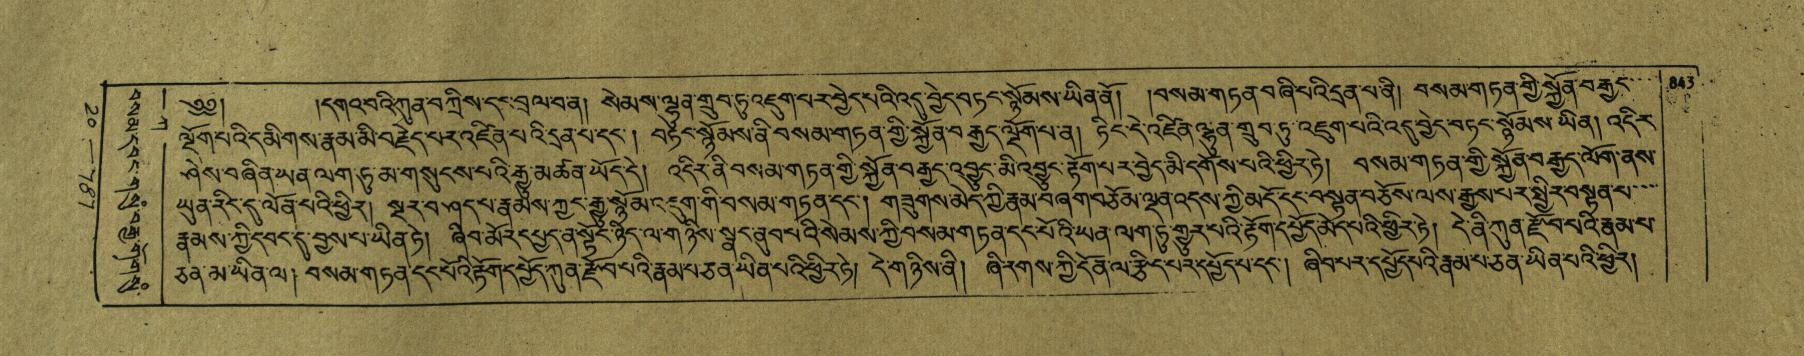༄༅། །དགའ་བའི་ཀུན་བཀྲིས་དང་བྲལ་བ་ན། སེམས་ལྷུན་གྲུབ་ཏུ་འཇུག་པར་བྱེད་པའི་འདུ་བྱེད་བཏང་སྙོམས་ཡིན་ནོ། །བསམ་གཏན་བཞི་པའི་དྲན་པ་ནི། བསམ་གཏན་གྱི་སྐྱོན་བརྒྱད་
ལྡོག་པའི་དམིགས་རྣམ་མི་བརྗེད་པར་འཛིན་པའི་དྲན་པ་དང་། བཏང་སྙོམས་ནི་བསམ་གཏན་གྱི་སྐྱོན་བརྒྱད་ལྡོག་པ་ན། ཏིང་ངེ་འཛིན་ལྷུན་གྲུབ་ཏུ་འཇུག་པའི་འདུ་བྱེད་བཏང་སྙོམས་ཡིན། འདིར་
ཤེས་བཞིན་ཡན་ལག་ཏུ་མ་གསུངས་པའི་རྒྱུ་མཚན་ཡོད་དེ། འདིར་ནི་བསམ་གཏན་གྱི་སྐྱོན་བརྒྱད་འབྱུང་མི་འབྱུང་རྟོག་པར་བྱེད་མི་དགོས་པའི་ཕྱིར་ཏེ། བསམ་གཏན་གྱི་སྐྱོན་བརྒྱད་ལོག་ནས་
ཡུན་རིང་དུ་ལོན་པའི་ཕྱིར། སྔར་བཤད་པ་རྣམས་ཀྱང་རྒྱུ་སྙོམ་འཇུག་གི་བསམ་གཏན་དང་། གཟུགས་མེད་ཀྱི་རྣམ་བཞག་བཅོམ་ལྡན་འདས་ཀྱི་མདོ་དང་བསྟན་བཅོས་ལས་རྒྱས་པར་སྤྱིར་བསྟན་པ་
རྣམས་ཀྱི་དབང་དུ་བྱས་པ་ཡིན་ཏེ། ཞིབ་མོར་དཔྱད་ན་སྟོང་ཉིད་ལ་གཉིས་སྣང་ནུབ་པའི་སེམས་ཀྱི་བསམ་གཏན་དང་པོའི་ཡན་ལག་ཏུ་གྱུར་པའི་རྟོག་དཔྱོད་མེད་པའི་ཕྱིར་ཏེ། དེ་ནི་ཀུན་རྫོབ་པའི་རྣམ་པ་
ཅན་མ་ཡིན་ལ། བསམ་གཏན་དང་པོའི་རྟོག་དཔྱོད་ཀུན་རྫོབ་པའི་རྣམ་པ་ཅན་ཡིན་པའི་ཕྱིར་ཏེ། དེ་གཉིས་ནི། ཞི་རགས་ཀྱི་དོན་ལ་རྩིད་པར་དཔྱོད་པ་དང་། ཞིབ་པར་དཔྱོད་པའི་རྣམ་པ་ཅན་ཡིན་པའི་ཕྱིར།